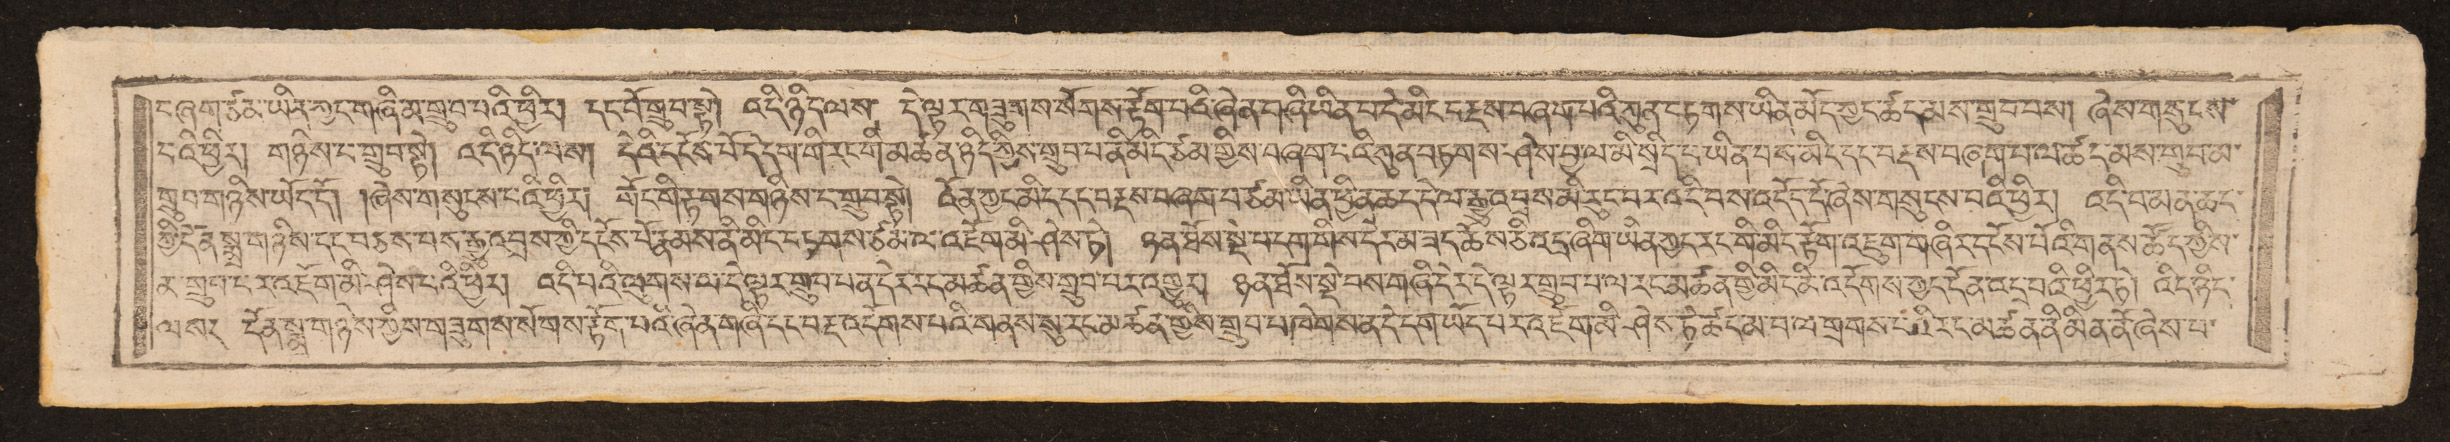བཞག་ཙམ་ཡིན་ཀྱང་གཞི་མ་གྲུབ་པའི་ཕྱིར། དང་པོ་གྲུབ་སྟེ། འདི་ཉིད་ལས། དེ་ལྟར་གཟུགས་སོགས་རྟོག་པའི་ཞེན་གཞི་ཡིན་པ་དེ་མིང་བརྡས་བཞག་པའི་ཀུན་བཏགས་ཡིན་མོད་ཀྱང་ཚད་མས་གྲུབ་པས། ཞེས་གསུངས་
པའི་ཕྱིར། གཉིས་པ་གྲུབ་སྟེ། འདི་ཉིད་ལས། དེའི་དངོས་པོ་དེ་དག་གི་རང་གི་མཚན་ཉིད་ཀྱིས་གྲུབ་པ་ནི་མིང་ཙམ་གྱིས་བཞག་པའི་ཀུན་བཏགས་ཤེས་བྱ་ལ་མི་སྲིད་པ་ཡིན་པས་མིང་དང་བརྡས་བཞག་པ་ལ་ཚད་མས་གྲུབ་མ་
གྲུབ་གཉིས་ཡོད་དོ། །ཞེས་གསུངས་པའི་ཕྱིར། གོང་གི་རྟགས་གཉིས་པ་གྲུབ་སྟེ། འོན་ཀྱང་མིང་དང་བརྡས་བཞག་པ་ཙམ་ཡིན་ཕྱིན་ཆད་དེ་ལ་རྒྱུ་འབྲས་མི་རུང་བར་འདི་བས་འདོད་དོ་ཞེས་གསུངས་པའི་ཕྱིར། འདི་བ་མན་ཆད་
ཀྱི་དོན་སྨྲ་གཉིས་དང་བཅས་པས་རྒྱུ་འབྲས་ཀྱི་དངོས་པོ་རྣམས་ནི་མིང་བཏགས་ཙམ་ལ་འཇོག་མི་ཤེས་ཏེ། ཉན་ཐོས་སྡེ་བ་དག་གིས་དེར་མ་ཟད་ཆོས་ཅི་འདྲ་ཞིག་ཡིན་ཀྱང་རང་གི་མིང་རྟོག་འཇུག་གཞིར་དངོས་པོའི་གནས་ཚོད་ཀྱིས་
མ་གྲུབ་པར་འཇོག་མི་ཤེས་པའི་ཕྱིར། འདི་བའི་ལུགས་ལ་དེ་ལྟར་གྲུབ་པ་ན་དེར་རང་མཚན་གྱིས་གྲུབ་པར་འགྱུར། ཉན་ཐོས་སྡེ་བས་གཞི་དེར་དེ་ལྟར་གྲུབ་པ་ལ་རང་མཚན་གྱི་མིང་མི་འདོགས་ཀྱང་དོན་འདྲ་བའི་ཕྱིར་ཏེ། འདི་ཉིད་
ལས༑ དོན་སྨྲ་གཉིས་ཀྱིས་གཟུགས་སོགས་རྟོག་པའི་ཞེན་གཞི་དང་བརྡ་འདོགས་པའི་གནས་སུ་རང་མཚན་གྱིས་གྲུབ་པ་ཁེགས་ན་དེ་དག་ཡོད་པར་འཇོག་མི་ཤེས་ཏེ་ཚད་མ་པ་ལ་གྲགས་པའི་རང་མཚན་ནི་མིན་ནོ་ཞེས་པ་